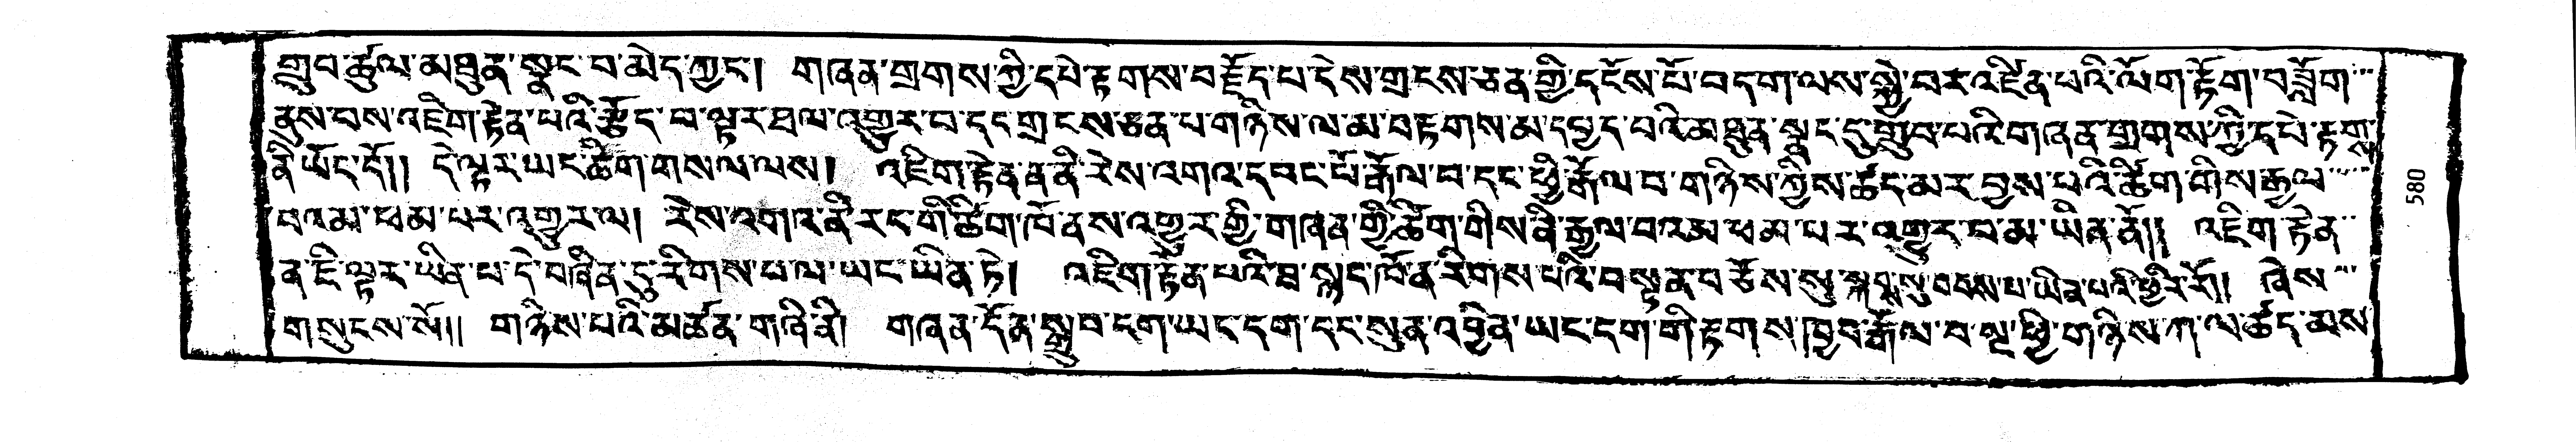གྲུབ་ཚུལ་མཐུན་སྣང་བ་མེད་ཀྱང་། གཞན་གྲགས་ཀྱི་དཔེ་རྟགས་བརྗོད་པ་དེས་གྲངས་ཅན་གྱི་དངོས་པོ་བདག་ལས་སྐྱེ་བར་འཛིན་པའི་ལོག་རྟོག་བཟློག་
ནུས་པས་འཇིག་རྟེན་པའི་རྩོད་པ་ལྟར་ཐལ་འགྱུར་བ་དང་གྲངས་ཅན་པ་གཉིས་ལ་མ་བརྟགས་མ་དཔྱད་པའི་མཐུན་སྣང་དུ་གྲུབ་པའི་གཞན་གྲགས་ཀྱི་དཔེ་རྟགས་
ནི་ཡོད་དོ།། དེ་ལྟར་ཡང་ཚིག་གསལ་ལས། འཇིག་རྟེན་ན་ནི་རེས་འགའ་དབང་པོ་རྒོལ་བ་དང་ཕྱི་རྒོལ་བ་གཉིས་ཀྱིས་ཚད་མར་བྱས་པའི་ཚིག་གིས་རྒྱལ་
བའམ་ཕམ་པར་འགྱུར་ལ། རེས་འགའ་ནི་རང་གི་ཚིག་ཁོ་ནས་འགྱུར་གྱི་གཞན་གྱི་ཚིག་གིས་ནི་རྒྱལ་བའམ་ཕམ་པར་འགྱུར་བ་མ་ཡིན་ནོ།། འཇིག་རྟེན་
ན་ཇི་ལྟར་ཡིན་པ་དེ་བཞིན་དུ་རིགས་པ་ལ་ཡང་ཡིན་ཏེ། འཇིག་རྟེན་པའི་ཐ་སྙད་ཁོ་ན་རིགས་པའི་བསྟན་བཅོས་སུ་སྐབས་སུ་བབས་པ་ཡིན་པའི་ཕྱིར་རོ།། ཞེས་
གསུངས་སོ།། གཉིས་པའི་མཚན་གཞི་ནི། གཞན་དོན་སྒྲུབ་ངག་ཡང་དག་དང་སུན་འབྱིན་ཡང་དག་གི་རྟགས་ཁྱབ་རྒོལ་བ་སྔ་ཕྱི་གཉིས་ཀ་ལ་ཚད་མས་